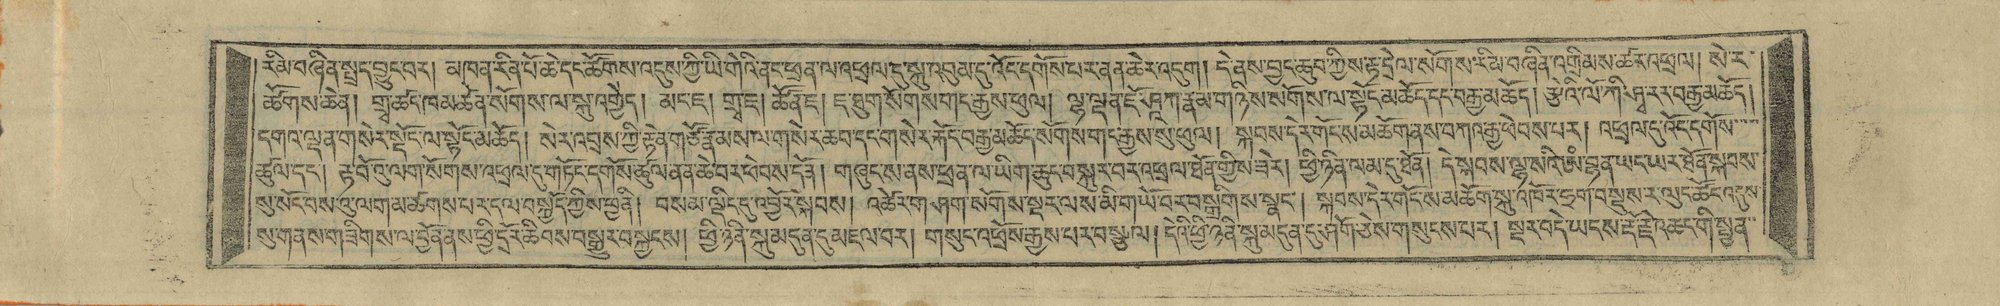རིམ་བཞིན་སྤྲད་བྱུང་བར། མཁན་རིན་པོ་ཆེ་དང་ཚོགས་འདུས་ཀྱི་ཡི་གེའི་ནང་ཕྲན་ལ་འཕྲལ་དུ་སྐུ་འབུམ་དུ་འོང་དགོས་པར་ནན་ཆེར་འདུག །དེ་ནས་བྱང་ཆུབ་ཀྱིས་རྟ་དྲེལ་སོགས་རིམ་བཞིན་འགྲིམས་ཚར་འཕྲལ། སེ་ར་
ཚོགས་ཆེན། གྲྭ་ཚང་ཁམ་ཚན་སོགས་ལ་སྐུ་འགྱེད། མང་ཇ། གྲྭ་ཇ། ཚོན་ཇ། ཇ་ཐུག་སོགས་གང་རྒྱས་ཕུལ། ལྷ་ལྡན་ཇོ་ཤཱཀ་རྣམ་གཉིས་སོགས་ལ་སྟོང་མཆོད་དང་བརྒྱ་མཆོད། རྩེའི་ལོ་ཀི་ཤྭ་རར་བརྒྱ་མཆོད།
དགའ་ལྡན་གསེར་སྡོང་ལ་སྟོང་མཆོད། སེར་འབྲས་ཀྱི་རྟེན་གཙོ་རྣམས་ལ་གསེར་ཆབ་དང་གསེར་རྐོང་བརྒྱ་མཆོད་སོགས་གང་རྒྱས་སུ་ཕུལ། སྐབས་དེར་གོང་ས་མཆོག་ནས་བཀའ་རྒྱ་ཕེབས་པར། འཕྲལ་དུ་འོང་དགོས་
ཚུལ་དང་། རྟ་བོ་འུ་ལག་སོགས་འཕྲལ་དུ་གཏོང་དགོས་ཚུལ་ནན་ཆེ་བར་ཕེབས་དོན། གཞུང་ས་ནས་ཕྲན་ལ་ཡིག་ཆུང་བསྐུར་བར་འཕྲལ་ཐོན་གྱིས་ཟེར། ཕྱི་ཉིན་ལམ་དུ་ཐོན། དེ་སྐབས་ལྷ་སའི་ཨཾ་བྷན་ཡང་ཡར་ཐོན་སྐབས་
སུ་སོང་བས་འུ་ལག་མ་ཚགས་པར་དལ་བསྐྱོད་ཀྱིས་ཕྱིན། བསམ་ལྡིང་དུ་འབྱོར་སྐབས། འཚེར་གཤག་སོགས་སྔར་ལས་མི་གཡོ་བར་བསྒྲིགས་སྣང་། སྐབས་དེར་གོང་ས་མཆོག་སྐུ་འཁོར་ཧྲག་བསྡུས་ར་ལུང་ཚོང་འདུས་
སུ་གནས་གཟིགས་ལ་བྱོན་ནས་ཕྱི་དྲོར་ཆིབས་བསྒྱུར་བསྐྱངས། ཕྱི་ཉིན་སྐུ་མདུན་དུ་མཇལ་བར། གསུང་འཕྲོས་རྒྱས་པར་བསྩལ། དེའི་ཕྱི་ཉིན་སྐུ་མདུན་དུ་ཤོག་ཅེས་གསུངས་པར། སྔར་བདེ་ཡངས་རྡོ་རྗེ་འཆང་གི་སྤྱན་